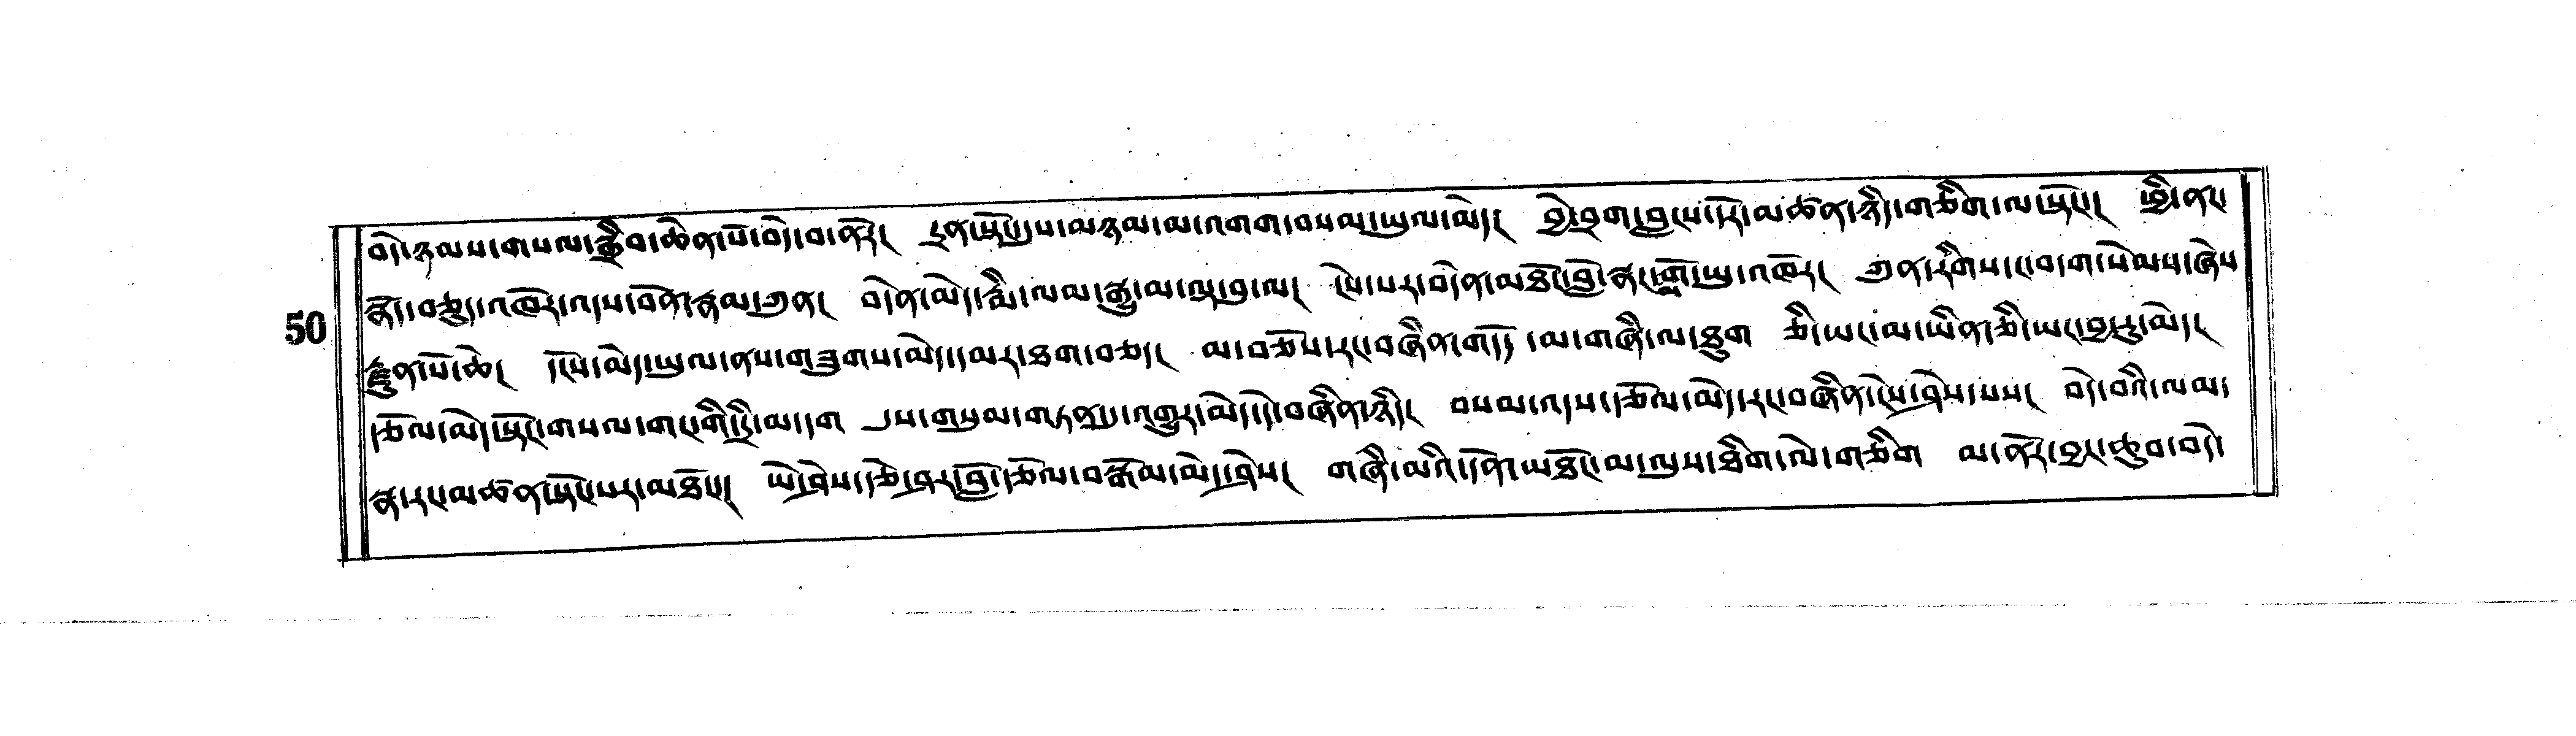བདེ་ཉམས་གསལ་སྒྲིབ་ཆེན་པོ་བདེ་བ་ནོར། དྲན་སྟོང་དུས་མཉམ་མ་འགག་བསམ་ཡུལ་མེད། བྱེ་བྲག་བླང་དོར་མཚན་ཉིད་གཅིག་ལ་སྟོང་། ཕྱི་ནང་
སྣོད་བཅུད་འཁོར་འདས་བོན་རྣམས་ཀུན། བདེན་མེད་རྨི་ལམ་སྒྱུ་མ་ལྟ་བུ་ལ། ངེས་པར་བདེན་མཐོང་བློ་སྣང་འགོ་ཡུ་འཁོར། ཀུན་རིག་ང་བདག་སེམས་ཞེས་
རྫུན་པོ་ཆེ། དངོས་མེད་ཡུལ་ནས་གཟུགས་མེད་དམར་ཐག་བཅད། མ་བཅོས་རང་བཞིན་གདོད་མ་གཞི་ལ་ཐུག ཅི་ཡང་མ་ཡིན་ཅིར་ཡང་བྱ་རུ་མེད། 
རྩོལ་མེད་སྟོང་གསལ་གང་གི་དྲི་མ་དག དུས་གསུམ་གཏན་དུ་འགྱུར་མེད་དེ་བཞིན་ཉིད། བསམ་འདས་རྩོལ་མེད་རང་བཞིན་ངེས་ཤེས་པས། བདེ་བའི་ལམ་
སྣ་རང་མཚན་སྟོང་པར་མཐོང་། ཡེ་ཤེས་རྩེ་ཤར་བློ་རྩོལ་སྒོམ་མེད་ཤེས། གཞི་མའི་དོན་མཐོང་མ་ལུས་ཐིག་ལེ་གཅིག མ་ནོར་བྱང་ཆུབ་བདེ་